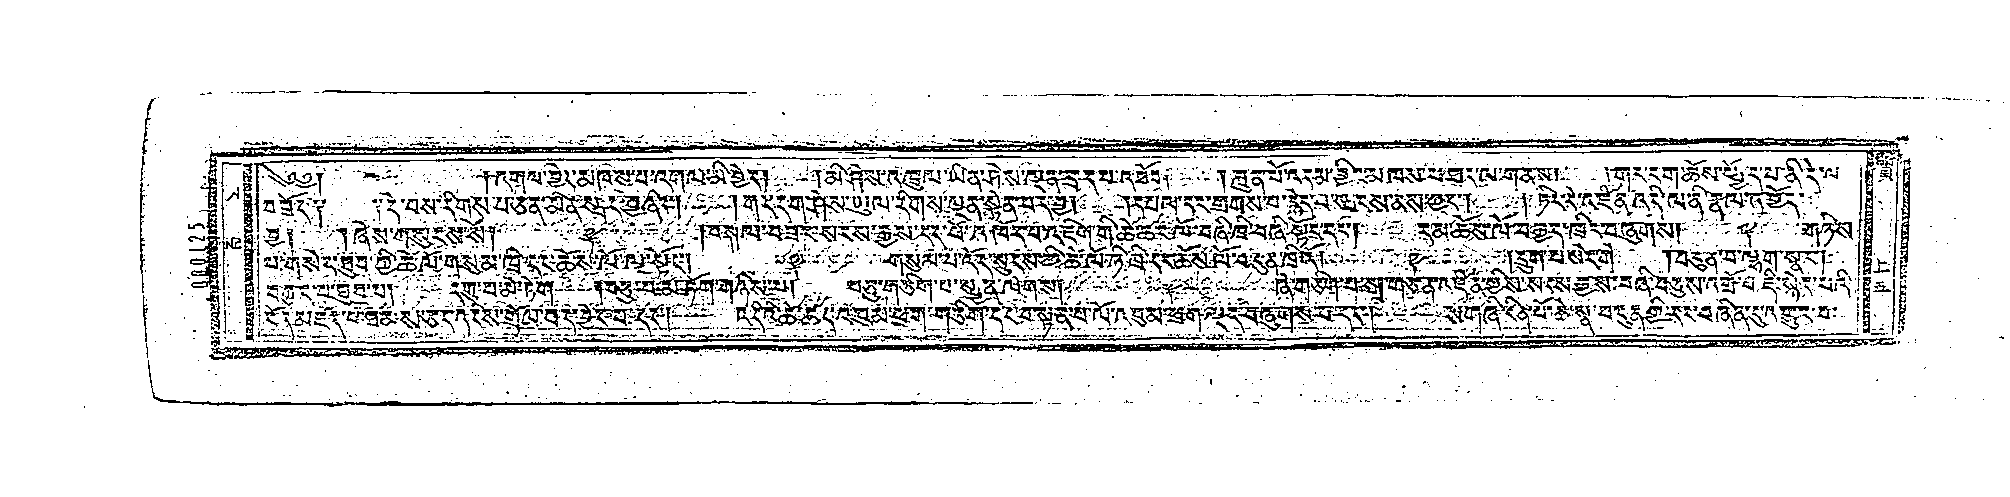༄༅། །འགལ་བྱེད་མཁས་པ་འགལ་མི་བྱེད། །མི་ཤེས་འཁྲུལ་ཡིན་ཤེས་ལྡན་དྲད་པ་འཐོབ། །བླུན་པོ་འདམ་བྱིང་མཁས་པ་ཐར་ལ་གནས། །གང་དག་ཆོས་སྤྱོད་པ་ནི་དེ་ལ་
འགྲོང༑ ༑དེ་བས་རིགས་པ་ཅན་མིན་སྤང་བྱ་ཞིང་། །གང་དག་ཤེས་ཡུལ་རིགས་ལྡན་སྟེན་པར་བྱ། །དཔལ་དང་གྲགས་པ་རྙེད་པ་སྤངས་ནས་ཀྱང་། །ཏིང་ངེ་འཛིན་འདི་ལ་ནི་རྣལ་འབྱོར་
བྱ། །ཞེས་གསུངས་སོ། ༈ །བསྐལ་བཟང་སངས་རྒྱས་དང་བོ་འཁོར་བ་འཇིག་གི་ཚེ་ཚང་ལོ་བཞི་ཁྲི་བཞི་སྟོང་དང་། རམ་ཆོས་ལོ་བརྒྱད་ཁྲིར་བཞུགས། ༈ གཉིས་
པ་གསེར་ཐུབ་ཀྱི་ཆོ་ལོ་གསུམ་ཁྲི་དང་ཚེས་ལོ་ལྔ་སྟོང་། ༈ གསུམ་པ་འོད་སྲུངས་ཀྱི་ཚེ་ལོ་ཉི་ཁྲི་དང་ཆོས་ལོ་བདུན་ཁྲིའོ། ༈ །དྲུག་པ་སེང་གེ །བདུན་བ་ལྷག་སྣང་།
བརྒྱད་པ་ཐུབ་པ། དགུ་བ་མེ་ཏོག །བཅུ་པ་མེ་ཏོག་གཉིས་པ། བཅུ་གཅིག་པ་སྤྱན་ལེགས། ༈ ཞེ་གཅིག་བ་སྒྲ་གཅན་འཛིན་གྱིས་སངས་རྒྱས་བཞི་བཅུས་འགྲོ་བ་ཇི་སྙེད་པའི་
དོན་མཛད་པ་ཐམས་ཅད་འདིས་གྲོལ་བར་བྱེད་པ་དང་། འདིའི་ཚེ་ཚད་འབུམ་ཕྲག་གཅིག་དང་བསྟན་པ་ལོ་འབུམ་ཕྲག་ལྡར་བཞུགས་པ་དང་། ས་གཞི་རིན་པོ་ཆེ་སྣ་བདུན་གྱི་རང་བཞིན་དུ་འགྱུར་བ་